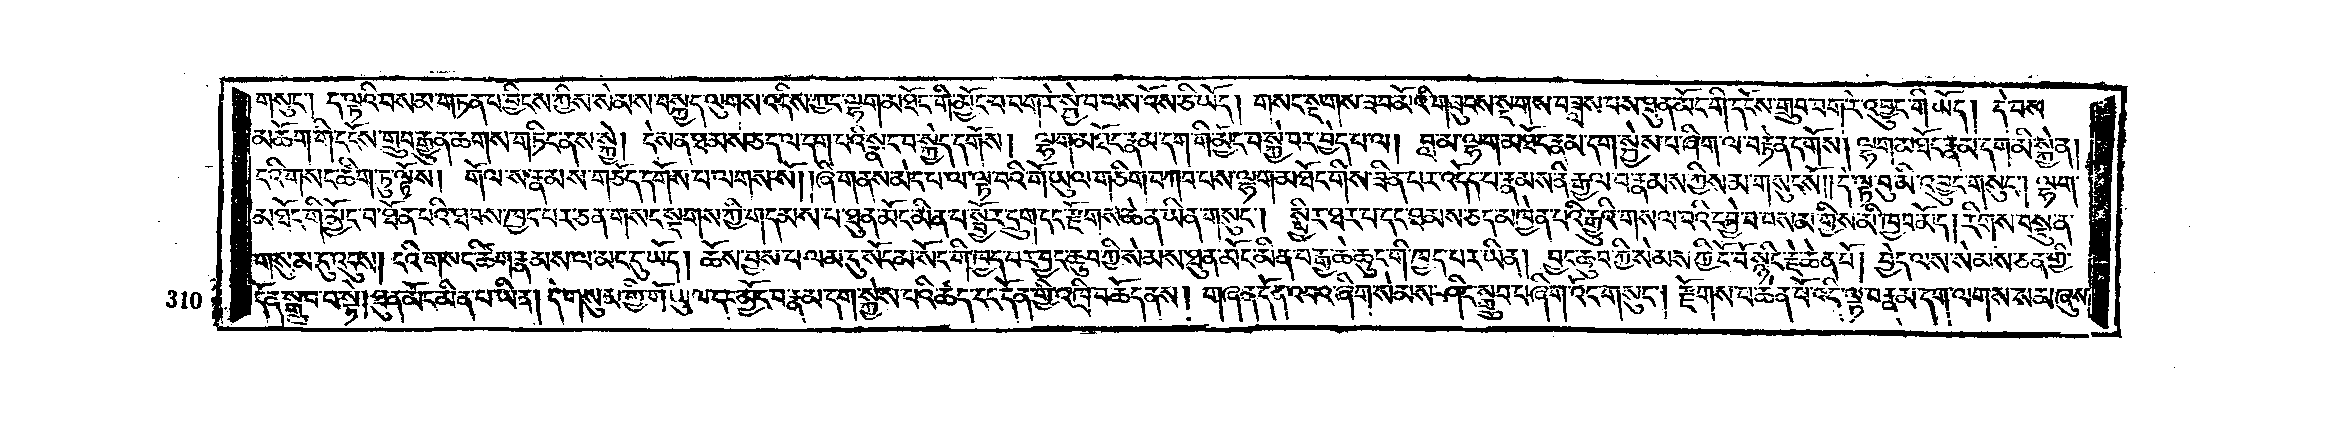གསུང་། ད་ལྟའི་བསམ་གཏན་པ་བྱིངས་ཀྱིས་སེམས་བསྐྱད་ལུགས་འདིས་ཀྱང་ལྷག་མཐོང་གི་མྱོང་བ་བག་རེ་སྐྱེ་བ་ལས་འོས་ཅི་ཡོད། གསང་སྔགས་ཟབ་མོའི་གཟུངས་སྔགས་བཟླས་པས་ཐུན་མོང་གི་དངོས་གྲུབ་བག་རེ་འབྱུང་གི་ཡོད། དེ་བས་
མཆོག་གི་དངོས་གྲུབ་རྒྱུན་ཆགས་གཏིང་ནས་སྐྱེ། དེས་ན་ཐམས་ཅད་ལ་དག་པའི་སྣང་བ་སྐྱེད་དགོས། ལྷག་མཐོང་རྣམ་དག་གི་མྱོང་བ་སྐྱེ་བར་བྱེད་པ་ལ། བླ་མ་ལྷག་མཐོང་རྣམ་དག་སྐྱེས་པ་ཞིག་ལ་བརྟེན་དགོས། ལྷག་མཐོང་རྣམ་དག་མི་སྐྱེ་ན།
ངའི་གསང་ཚིག་ཏུ་ལྟོས། གོལ་ས་རྣམས་གཅོད་དགོས་པ་ལགས་སོ། །ཞི་གནས་མེད་པ་ལ་ལྟ་བའི་གོ་ཡུལ་གཅིག་བཀབ་པས་ལྷག་མཐོང་གིས་ཟིན་པར་འདོད་པ་རྣམས་ནི་རྒྱལ་བ་རྣམས་ཀྱིས་མ་གསུངས་སོ། །དེ་ལྟ་བུ་མི་འབྱུང་གསུང་། ལྷག་
མཐོང་གི་མྱོང་བ་ཐོན་པའི་ཐབས་ཁྱད་པར་ཅན་གསང་སྔགས་ཀྱི་གདམས་པ་ཐུན་མོང་མིན་པ་སྦྱོར་དྲུག་དང་རྫོགས་ཆེན་ཡིན་གསུང་། སྤྱིར་ཐར་པ་དང་ཐམས་ཅད་མཁྱེན་པའི་རྒྱུའི་གསལ་བའི་དབྱེ་བ་བསམ་གྱིས་མི་ཁྱབ་མོད། རིགས་བསྡུ་ན་
གསུམ་དུ་འདུས། ངའི་གསང་ཚིག་རྣམས་ལ་མང་དུ་ཡོད། ཆོས་བྱས་པ་ལམ་དུ་སོང་མ་སོང་གི་ཁྱད་པར་བྱང་ཆུབ་ཀྱི་སེམས་ཐུན་མོང་མིན་པ་རྒྱ་ཆེ་ཆུང་གི་ཁྱད་པར་ཡིན། བྱང་ཆུབ་ཀྱི་སེམས་ཀྱི་ངོ་བོ་སྙིང་རྗེ་ཆེན་པོ། བྱེད་ལས་སེམས་ཅན་གྱི་
དོན་སྒྲུབ་པ་སྟེ། ཐུན་མོང་མིན་པ་ཡིན། དེ་གསུམ་གྱི་གོ་ཡུལ་དང་མྱོང་བ་རྣམ་དག་སྐྱེས་པའི་ཚད་རང་དོན་གྱི་འཁྲི་བ་ཆོད་ནས། གཞན་དོན་འབའ་ཞིག་སེམས་ཤིང་སྒྲུབ་པ་ཞིག་འོང་གསུང་། རྫོགས་པ་ཆེན་པོ་འདི་ལྟ་བ་རྣམ་དག་ལགས་སམ་ཞུས་